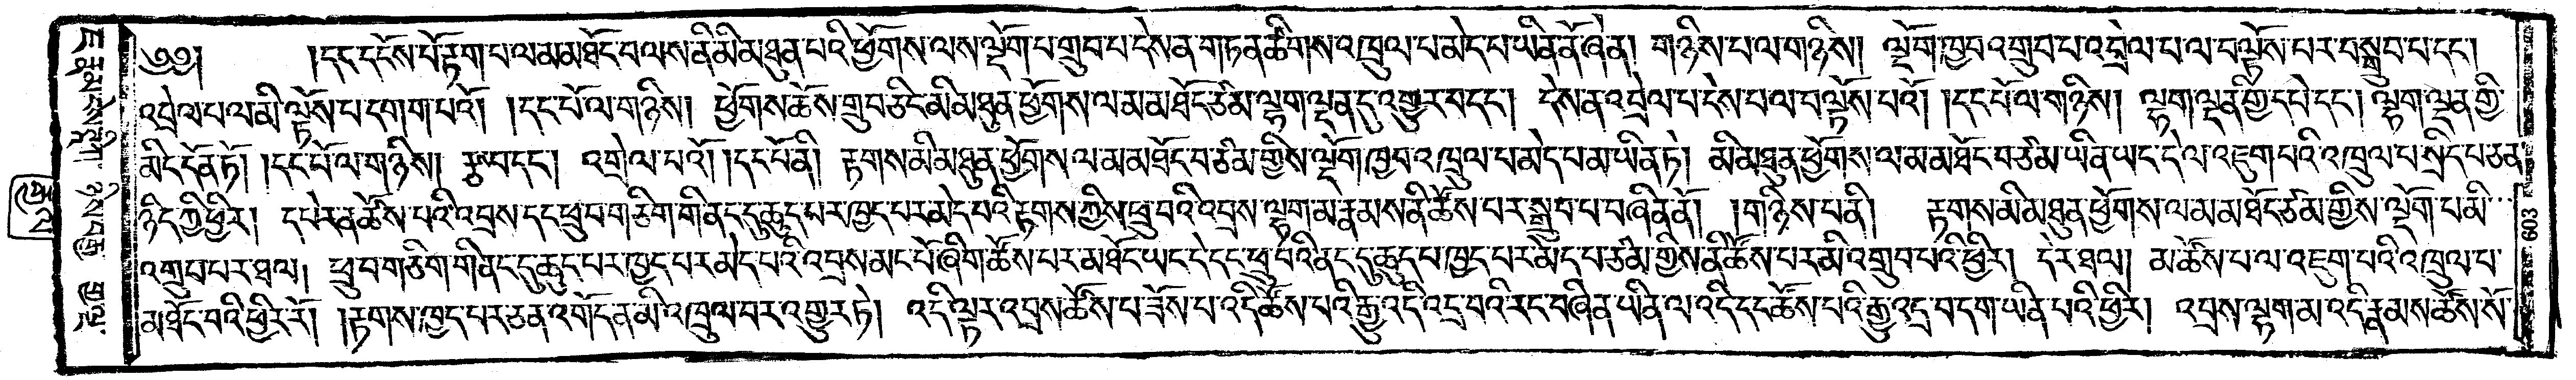༄༅། །དང་དངོས་པོ་རྟག་པ་ལ་མ་མཐོང་བ་ལས་ནི་མི་མཐུན་པའི་ཕྱོགས་ལས་ལྡོག་པ་གྲུབ་པ་དེས་ན་གཏན་ཚིགས་འཁྲུལ་པ་མེད་པ་ཡིན་ནོ་ཞེ་ན། གཉིས་པ་ལ་གཉིས། ལྡོག་ཁྱབ་འགྲུབ་པ་འབྲེལ་པ་ལ་བལྟོས་པར་བསྒྲུབ་པ་དང་།
འབྲེལ་པ་ལ་མི་ལྟོས་པ་དགག་པའོ། །དང་པོ་ལ་གཉིས། ཕྱོགས་ཆོས་གྲུབ་ཅིང་མི་མཐུན་ཕྱོགས་ལ་མ་མཐོང་ཙམ་ལྷག་ལྡན་དུ་འགྱུར་བ་དང་། དེས་ན་འབྲེལ་པ་ངེས་པ་ལ་བལྟོས་པའོ། །དང་པོ་ལ་གཉིས། ལྷག་ལྡན་གྱི་དཔེ་དང་། ལྷག་ལྡན་གྱི་
མིང་དོན་ཏོ། །དང་པོ་ལ་གཉིས། རྩ་བ་དང་། འགྲེལ་པའོ། །དང་པོ་ནི། རྟགས་མི་མཐུན་ཕྱོགས་ལ་མ་མཐོང་བ་ཙམ་གྱིས་ལྡོག་ཁྱབ་འཁྲུལ་པ་མེད་པ་མ་ཡིན་ཏེ། མི་མཐུན་ཕྱོགས་ལ་མ་མཐོང་བ་ཙམ་ཡིན་ཡང་དེ་ལ་འཇུག་པའི་འཁྲུལ་པ་སྲིད་པ་ཅན་
ཉིད་ཀྱི་ཕྱིར། དཔེར་ན་ཚོས་པའི་འབྲས་དང་ཕྲུ་བ་གཅིག་གི་ནང་དུ་ཆུད་པར་ཁྱད་པར་མེད་པའི་རྟགས་ཀྱིས་ཕྲུ་བའི་འབྲས་ལྷག་མ་རྣམས་ནི་ཚོས་པར་སྒྲུབ་པ་བཞིན་ནོ། །གཉིས་པ་ནི། རྟགས་མི་མཐུན་ཕྱོགས་ལ་མ་མཐོང་ཙམ་གྱིས་ལྡོག་པ་མི་
འགྲུབ་པར་ཐལ། ཕྲུ་བ་གཅིག་གི་ནང་དུ་ཆུད་པར་ཁྱད་པར་མེད་པའི་འབྲས་མང་པོ་ཞིག་ཚོས་པར་མཐོང་ཡང་དེ་དང་ཕྲུ་བའི་ནང་དུ་ཆུད་པ་ཁྱད་པར་མེད་པ་ཙམ་གྱིས་ནི་ཚོས་པར་མི་འགྲུབ་པའི་ཕྱིར། དེར་ཐལ། མ་ཚོས་པ་ལ་འཇུག་པའི་འཁྲུལ་པ་
མཐོང་བའི་ཕྱིར་རོ། །རྟགས་ཁྱད་པར་ཅན་འགོད་ན་མི་འཁྲུལ་བར་འགྱུར་ཏེ། འདི་ལྟར་འབྲས་ཚོས་པ་ཟོས་པ་འདི་ཚོས་པའི་རྒྱུ་འདི་འདྲ་བའི་རང་བཞིན་ཡིན་ལ་འདི་དང་ཚོས་པའི་རྒྱུ་འདྲ་བ་དག་ཡིན་པའི་ཕྱིར། འབྲས་ལྷག་མ་འདི་རྣམས་ཚོས་སོ་